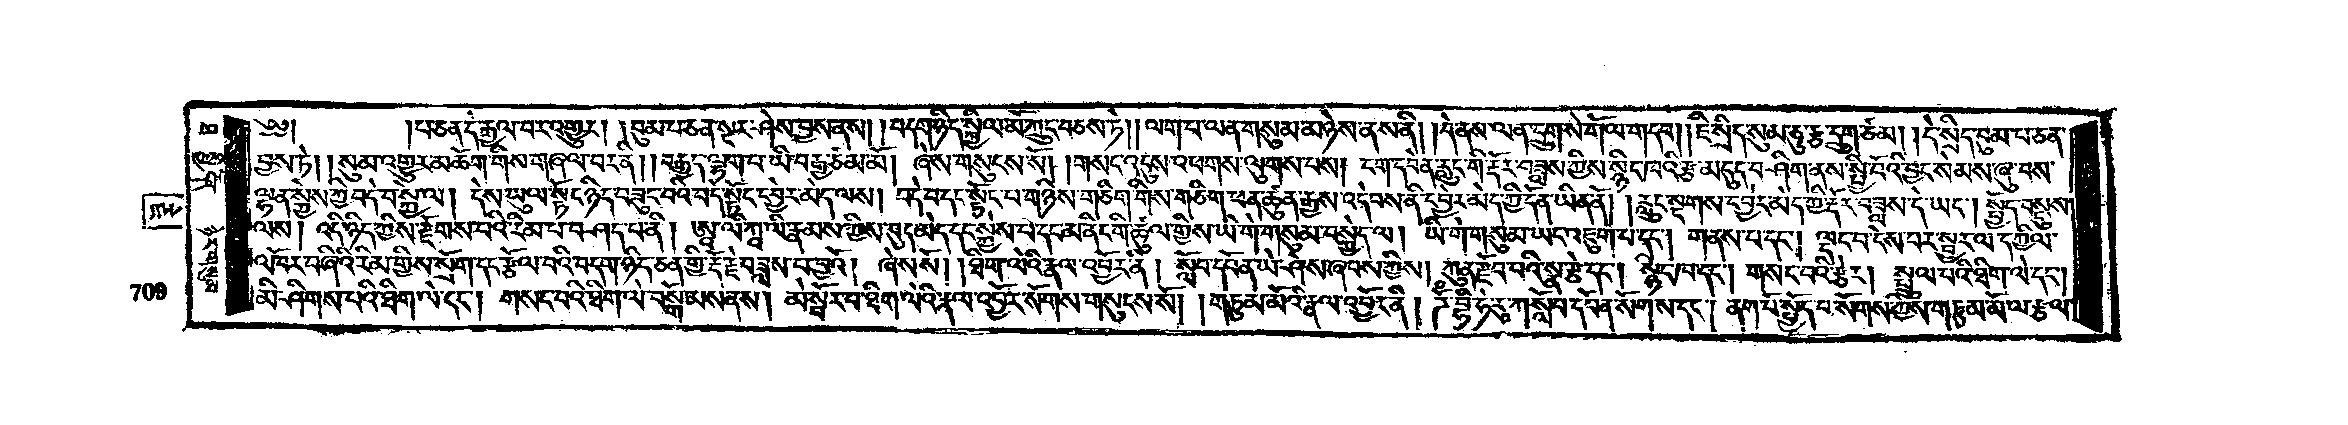༄༅། །པ་ཅན་དེ་རྒྱལ་བར་འགྱུར། །བུམ་པ་ཅན་སྔར་ཤེས་བྱས་ནས། །བདག་ཉིད་སྐྱིལ་མོ་ཀྲུང་བཅས་ཏེ། །ལག་པ་ལན་གསུམ་མཉེས་ནས་ནི། །དེ་ནས་ལན་དྲུག་སེ་གོལ་གདབ། །ཇི་སྲིད་སུམ་ཅུ་རྩ་དྲུག་ཙམ། །དེ་སྲིད་བུམ་པ་ཅན་
བྱས་ཏེ། །སུམ་འགྱུར་མཆོག་གིས་གཞལ་བར་ནི། །བརྒྱད་ལྷག་པ་ཡི་བརྒྱ་ཙམ་མོ། ཞེས་གསུངས་སོ། །གསང་འདུས་འཕགས་ལུགས་པས། ངག་དབེན་རླུང་གི་རྡོར་བཟླས་ཀྱིས་སྙིང་ཁའི་རྩ་མདུད་བཤིག་ནས་སྤྱི་བོའི་བྱང་སེམས་ཞུ་བས་
ལྷན་སྐྱེས་ཀྱི་བདེ་བ་སྐྱེ་ལ། དེས་ཡུལ་སྟོང་ཉིད་བཟུང་བའི་བདེ་སྟོང་དབྱེར་མེད་ལས། བདེ་བ་དང་སྟོང་པ་གཉིས་གཅིག་གིས་གཅིག་ཕན་ཚུན་རྒྱས་འདེབས་ནི་དབྱེར་མེད་ཀྱི་དོན་ཡིན་ནོ། །རླུང་སྔགས་དབྱེར་མེད་ཀྱི་རྡོར་བཟླས་དེ་ཡང་། སྦྱོད་བསྡུས་
ལས། འདི་ཉིད་ཀྱིས་རྫོགས་པའི་རིམ་པ་བཤད་པ་ནི། ཨཱ་ལི་ཀཱ་ལི་རྣམས་ཀྱིས་བུད་མེད་དང་སྐྱེས་པ་དང་མ་ནིང་གི་ཚུལ་གྱིས་ཡི་གེ་གསུམ་བསྐྱེད་ལ། ཡི་གེ་གསུམ་ཡང་འཇུག་པ་དང་། གནས་པ་དང་། ལྡང་བ་ངེས་པར་སྦྱར་ལ་དཀྱིལ་
འཁོར་བཞིའི་རིམ་གྱིས་སྲོག་དང་རྩོལ་བའི་བདག་ཉིད་ཅན་གྱི་རྡོ་རྗེ་བཟླས་པ་བྱའོ། ཞེས་སོ། །ཐིག་ལེའི་རྣལ་འབྱོར་ནི། སློབ་དཔོན་ཡེ་ཤེས་ཞབས་ཀྱིས། ཀུན་རྫོབ་པའི་སྣ་རྩེ་དང་། སྙིང་ཁ་དང་། གསང་བའི་རྩེར། སྤྲུལ་པའི་ཐིག་ལེ་དང་།
མི་ཤིགས་པའི་ཐིག་ལེ་དང་། གསང་བའི་ཐིག་ལེ་བསྒོམས་ནས། མེ་སྦོར་བ་ཐིག་ལེའི་རྣལ་འབྱོར་སོགས་གསུངས་སོ། །གཏུམ་མོའི་རྣལ་འབྱོར་ནི། ཌོཾ་བྷི་ཧེ་རུ་ཀ་སློབ་དཔོན་སོགས་དང་། ནག་པོ་སྤྱོད་པ་སོགས་ཀྱིས་གཏུམ་མོ་ལ་རྩལ་